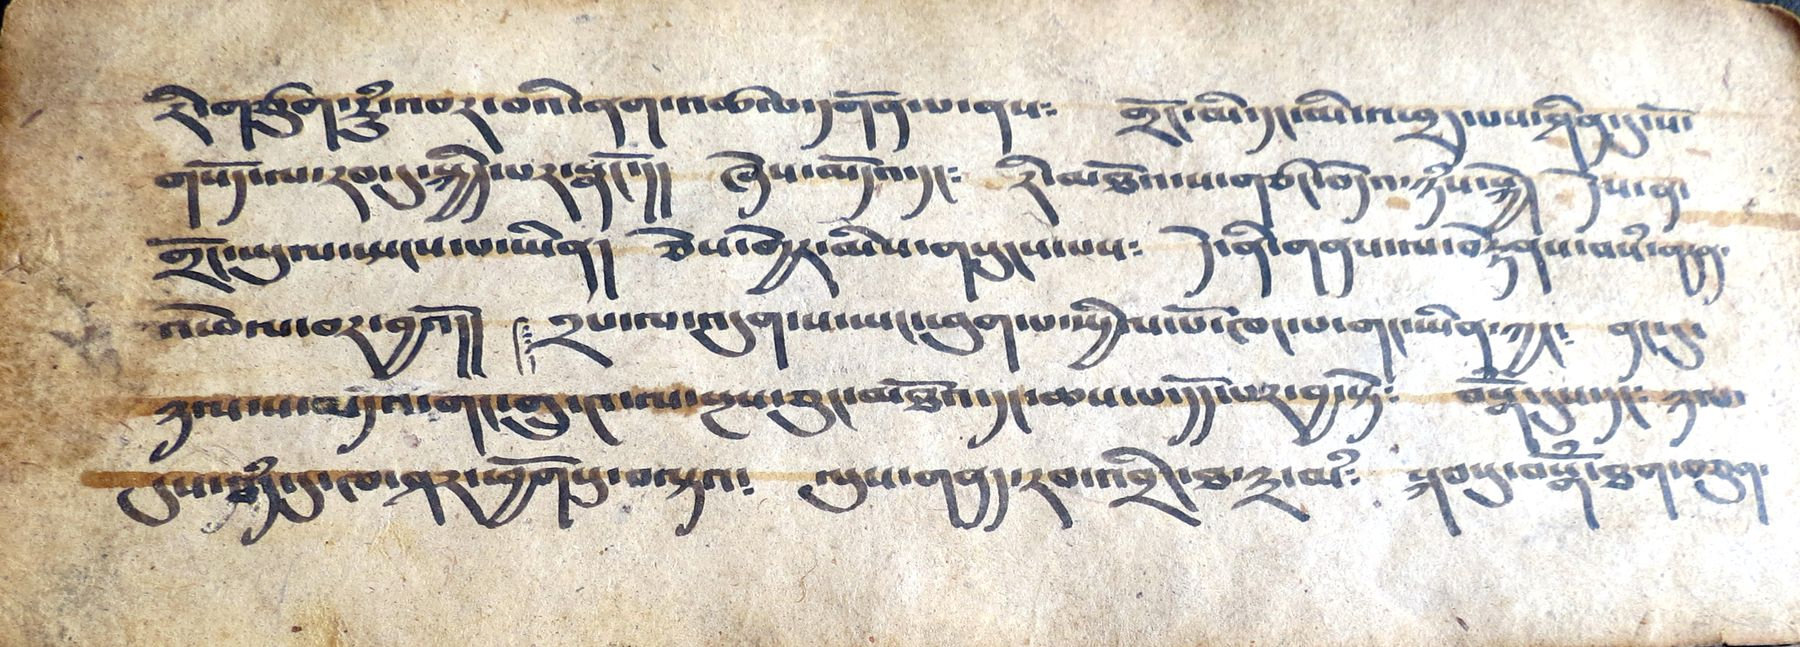རི་གཙུག་རུམ་འབར་བའི་ནགས་ཚལ། དགོན་པ་ན་འགྲེང་མི་དང་མི་འཕྲད་པའི་ཤིན་ཏུ་སོ་
བསོད་ལ། རབ་ཏུ་སྐྱིད་པར་སྣང་ཞེས་མདོ་དང་། རི་མཐོ་ས་གཙང་བདེ་ཉམས་སྐྱེ། དེས་ན་
གྲོང་ཡུལ་སྤངས་པ་ཡིན། ཅེས་གྱེར་མིས་གསུངས་པས། དེ་ནི་གནས་ལ་བརྟེན་ནས། བསམ་གཏན་
འཕེལ་བར་བྱའོ། ། གཉིས་པ་ལ་འདུག་ས་ཡང་། ཕུག་པ་སྤྱིལ་པོ་ཁང་པ་གང་ཡིན་ཀྱང་། ནང་དུ་
ཉལ་ས་མདའ་གང་གྲུ་བཞི་ལ། སྔས་ཆུང་མཐོ་དང་ཆས་པ་དོད་པར་བྱ་སྟེ། སྒོམ་དུས་དང་ཉལ་
དུས་ཐམས་ཅད་དུ་ཁ་ཤར་དུ་བལྟ། ལུས་གནད་རབ་འབྲིང་ཐ་གསུམ་མམ། སྐབས་སུ་སྒོམ་ཐག་ཏུ་བཅུགས་